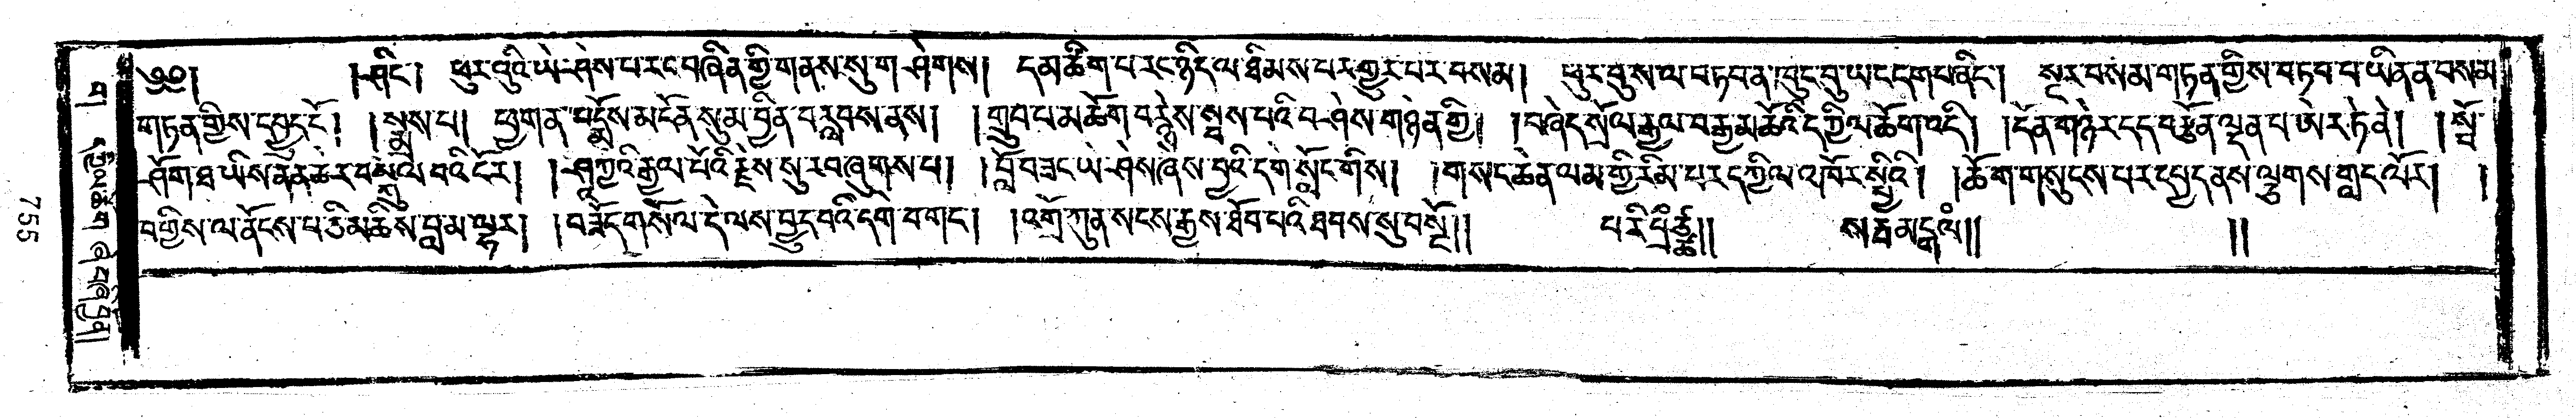༄༅། །ཤིང་། ཕུར་བུའི་ཡེ་ཤེས་པ་རབ་བཞིན་གྱི་གནས་སུ་གཤེགས། དམ་ཚིག་པ་རང་ཉིད་ལ་ཐིམས་པར་གྱུར་པར་བསམ། ཕུར་བུས་ལ་བཏབ་ན་ཁུད་བུ་ཡང་དག་པ་ཞིང་། སྔར་བསམ་གཏན་གྱིས་བཏབ་པ་ཡིན་ན་བསམ་
གཏན་གྱིས་དབྱུང་ངོ། །སྨྲས་པ། ཕྱག་ན་པདམོས་མངོན་སུམ་བྱིན་བརླབས་ནས། །གྲུབ་པ་མཆོག་བརྙེས་སྦས་པའི་བཤེས་གཉེན་གྱི། །བཞེད་སྲོལ་རྒྱལ་བརྒྱ་མཚོའི་དཀྱིལ་ཆོག་འདི། །དོན་གཉེར་དད་བརྩོན་ལྡན་པ་ཨེར་ཏེ་ནེ། །སྦོ་
ཤོག་ཐ་ཡིས་ནན་ཆེར་བསྐུལ་བའི་ངོར། །ཤཱཀྱའི་རྒྱལ་པོའི་རྗེས་སུ་རབ་ཞུགས་པ། །བློ་བཟང་ཡེ་ཤེས་ཞེས་བྱའི་དགེ་སློང་གིས། །གསང་ཆེན་ལམ་གྱི་རིམ་པར་དཀྱིལ་འཁོར་སྤྱིའི། །ཆོ་ག་གསུངས་པར་དཔྱད་ནས་ལྕགས་གླང་ལོར། །
བགྱིས་ལ་ནོངས་པ་ཅི་མཆིས་བླ་མ་ལྷར། །བཟོད་གསོལ་དེ་ལས་བྱུང་བའི་དགེ་བ་གང་། །འགྲོ་ཀུན་སངས་རྒྱས་ཐོབ་པའི་ཐབས་སུ་བསྔོ། །པ་རི་པྲྀཙྪ།། སརྦ་མངྒལཾ།། །།